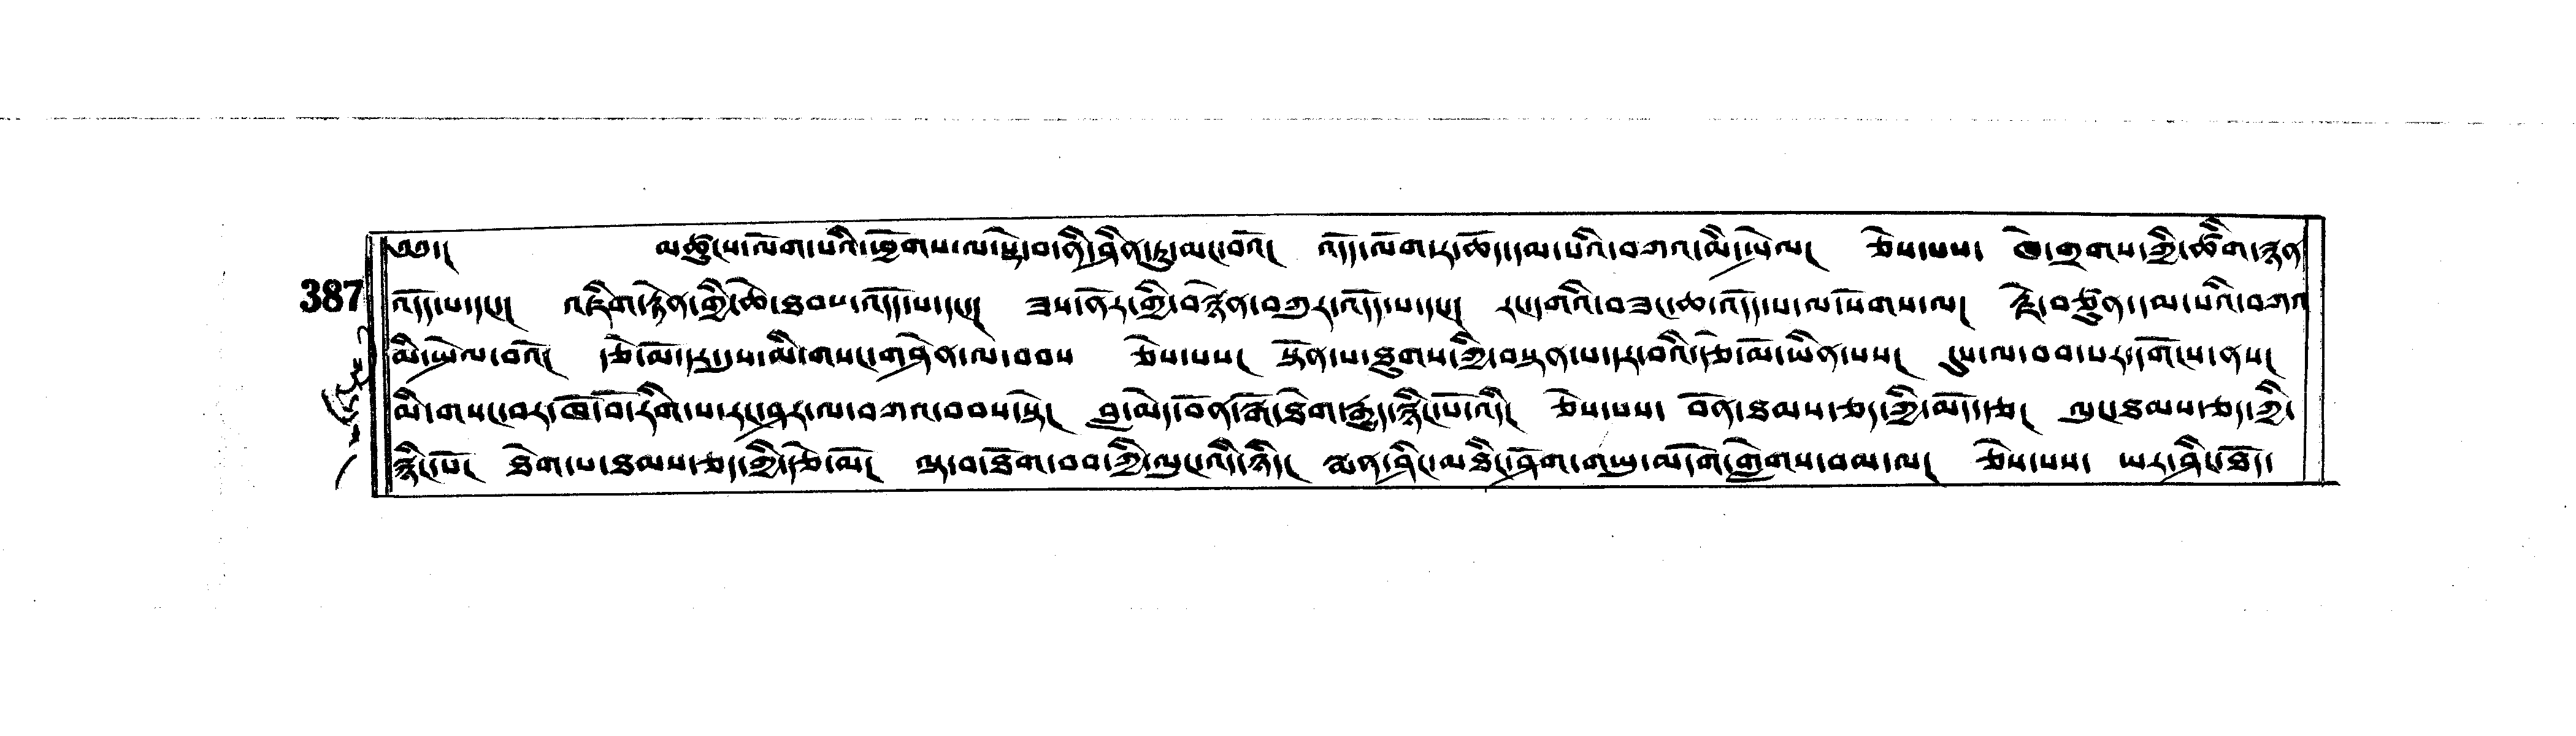མཚུངས་ལོག་པའི་ཕྱོགས་ལ་སྡེ་བ་ནི་ཤིན་ཏུ་མང་བའོ། འདོད་ལོག་ར་ཆོད་དམ་པའི་བཀའ་མི་སྤེལ། ཅེས་པས། ཁེ་གྲགས་ཀྱི་ཚིག་སྙན་
འདོད་པ་དང་། འཇིག་རྟེན་གྱི་ཆེ་ཐབས་འདོད་པ་དང་། ཟས་ནོར་གྱི་བསྙེན་བཀུར་འདོད་པ་དང་། རང་དགའི་བཟང་ཆ་འདོད་པ་ལ་སོགས་ལ། རྗེ་བཙུན་དམ་པའི་བཀའ་
མི་སྤེལ་བའོ། རྩེ་མོ་དར་དུས་མི་གསང་གཤེན་ལ་བབས། ཅེས་པས། སྟོན་པ་ཐུགས་ཀྱི་བསྟན་པ་དར་བའི་རྩེ་མོ་ཡིན་པས། དུས་ལ་བབས་པར་དགོངས་ནས།
མི་གསང་བར་ཁོ་བོ་རིག་པ་རང་ཤར་ལ་བཀའ་བབས་ཏེ། བླ་མེད་བོན་སྒོ་ཐེག་རྒྱུད་ཀྱི་སྙིང་པོ་འདི། ཅེས་པས། བོན་ཐམས་ཅད་ཀྱི་མདོ་རྩ། ལུང་ཐམས་ཅད་ཀྱི་
སྙིང་པོ། ཐེག་པ་ཐམས་ཅད་ཀྱི་རྩེ་མོ། ལྟ་བ་ཐོག་དབབ་ཀྱི་ལུང་འདི་ཉིད། སྨན་ཤིང་མཐིང་ཤོག་གཡུ་མདོག་གླེག་བམ་ལ། ཅེས་པས། ཡར་ཤིང་ཐོད་